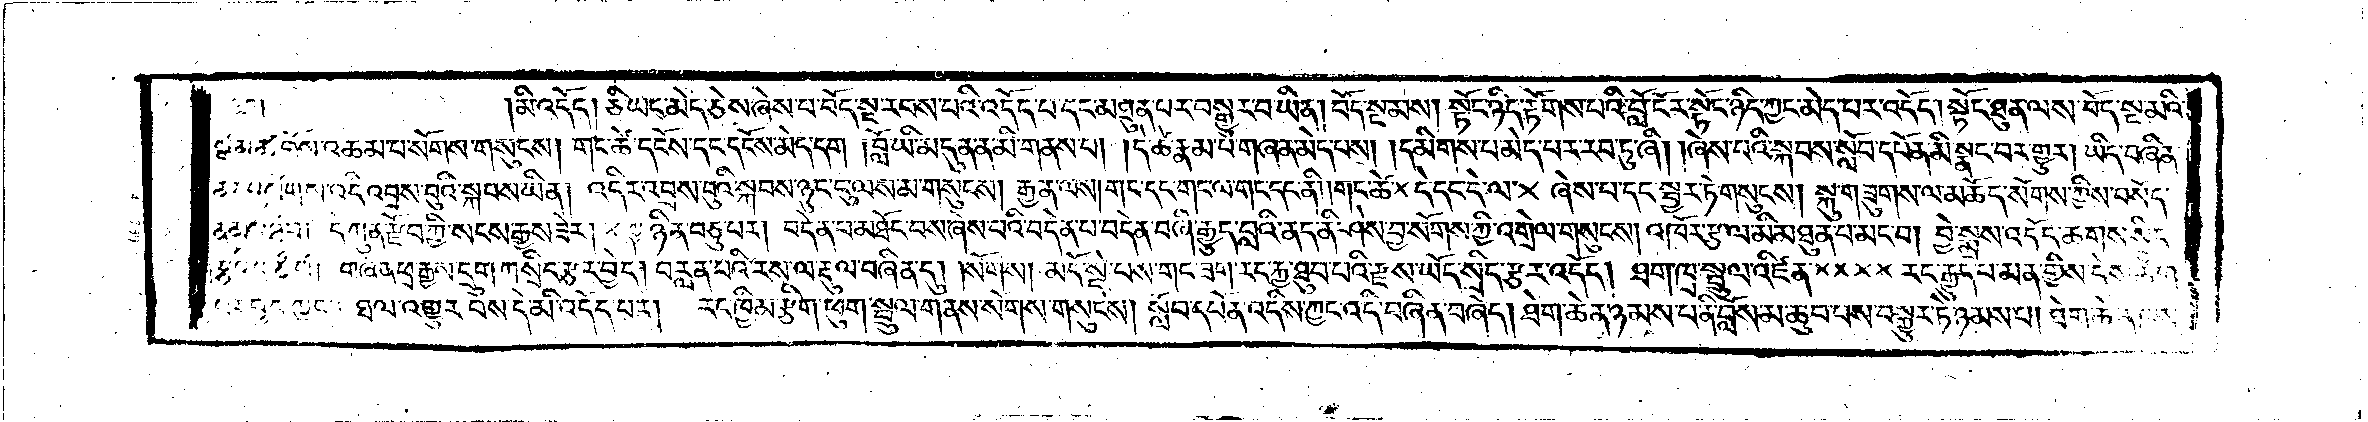༄༅། །མི་འདོད། ཅི་ཡང་མེད་ཅེས་ཞེས་པ་བོད་སྔ་རབས་པའི་འདོད་པ་དང་མཐུན་པར་བསྒྱུར་བ་ཡིན། བོད་སྔ་མས། སྟོང་ཉིད་རྟོགས་པའི་བློ་ངོར་སྟོང་ཉིད་ཀྱང་མེད་པར་འདོད། སྟོང་ཐུན་ལས་བོད་སྔ་མའི་
སྒོམ་ཚ་གོས་འཆམ་པ་སོགས་གསུངས། གང་ཚེ་དངོས་དང་དངོས་མེད་དག །བློ་ཡི་མདུན་ན་མི་གནས་པ། །དེ་ཚེ་རྣམ་པ་གཞན་མེད་པས། །དམིགས་པ་མེད་པར་རབ་ཏུ་ཞི། །ཞེས་པའི་སྐབས་སློབ་དཔོན་མི་སྣང་བར་གྱུར། ཡིད་བཞིན་
ནོར་བུ་སོགས་འདི་འབྲས་བུའི་སྐབས་ཡིན། འདིར་འབྲས་བུའི་སྐབས་ཉུང་ངུ་ལས་མ་གསུངས། རྒྱན་ལས། གང་དང་གང་ལ་གང་དང་ནི། །གང་ཚེ་྾་དེ་དང་དེ་ལ་྾་ཞེས་པ་དང་སྦྱར་ཏེ་གསུངས། སྐུ་གཟུགས་ལ་མཆོད་སོགས་ཀྱིས་བསོད་
ནམས་ཐོབ། དེ་ཀུན་རྫོབ་ཀྱི་སངས་རྒྱས་ཟེར། ༈ ཉིན་བཅུ་པར། བདེན་པ་མཐོང་བས་ཞེས་པའི་བདེན་པ་བདེན་བཞི་རྒྱུད་བླའི་ནད་ནི་ཤེས་བྱ་སོགས་ཀྱི་འགྲེལ་གསུངས། འཁོར་རྩ་ལ་མི་མཐུན་པ་མང་བ། བྱེ་སྨྲས་འདོད་ཆགས་སྲིད་
རྩའི་གཙོ་བོ། གཞན་ཕྲ་རྒྱས་དྲུག་ཀ་སྲིད་རྩར་བྱེད། བརླན་པའི་རས་ལ་རྡུལ་བཞིན་དུ། །སོགས། མདོ་སྡེ་པས་གང་ཟག་རང་རྒྱ་ཐུབ་པའི་རྫས་ཡོད་སྲིད་རྩར་འདོད། ཐག་ཁྲ་སྦྲུལ་འཛིན་྾་྾་྾་྾་རང་རྒྱུད་པ་མན་གྱིས་དེས་ཆོག་
པར་བྱས་ཀྱང་། ཐལ་འགྱུར་བས་དེ་མི་འདོད་པར། རང་ཁྱིམ་རྩིག་ཕུག་སྤྲུལ་གནས་སོགས་གསུངས། སློབ་དཔོན་འདིས་ཀྱང་འདི་བཞིན་བཞེད། ཐེག་ཆེན་ཉམས་པ་ནི་བློས་མ་ཆུབ་པས་བསྒྱུར་ཏེ་ཉམས་པ། ཐེག་ཆེན་ཁས་